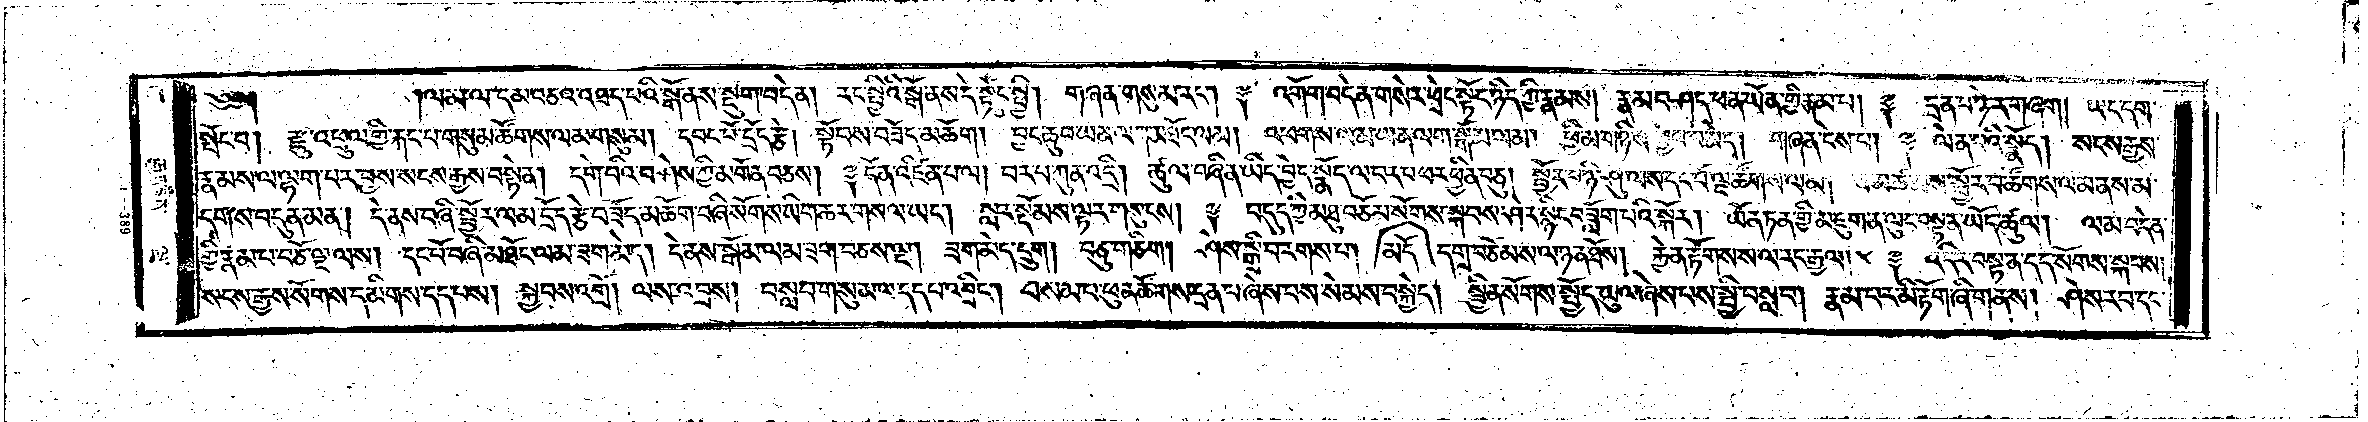༄༅། །ལམ་ལ་དམ་བཅའ་འཐད་པའི་སྒོ་ནས་སྡུག་བདེན། རང་སྤྱིའི་སྒོ་ནས་དེ་སྟོང་སྤྱི། གཞན་གསུམ་རང་། ༈ འགོག་བདེན་གསེར་ཕྲེང་སྟོང་ཉིད་ཀྱི་རྣམ། རྣམ་བཤད་ཕན་ཡོན་གྱི་རྣམ་པ། ༈ དྲན་པ་ཉེར་གཞག །ཡང་དག་
སྤོང་བ། རྫུ་འཕྲུལ་གྱི་རྐང་པ་གསུམ་ཚོགས་ལམ་གསུམ། དབང་པོ་དྲོད་རྩེ། སྟོབས་བཟོད་མཆོག །བྱང་ཆུབ་ཡན་ལག་མཐོང་ལམ། འཕགས་ལམ་ཡན་ལག་སྒོམ་ལམ། ཕྱི་མ་གཉིས་ཁྱབ་བ་མེད། གཞན་ངེས་པ། ༈ ལེན་པའི་སྣོད། སངས་རྒྱས་
རྣམས་ལ་ལྷག་པར་བྱས་སངས་རྒྱས་བསྟེན། དགེ་བའི་བཤེས་ཀྱི་མགོན་བཅས། ༈ དོན་འཛིན་པ་ལ། བར་པ་ཀུན་འདྲི། ཚུལ་བཞིན་ཡིད་བྱེད་སྣོད་ལ་བར་པ་ཕར་ཕྱིན་བཅུ། སྦྱོར་བ་ཉི་ཤུ་ལས་དང་པོ་ལྔ་ཚོགས་ལམ། ས་མཚམས་སྤྱོར་བ་ཚོགས་ལམ་ནས་མ་
དག་ས་བདུན་མན། དེ་ནས་བཞི་སྦྱོར་ལམ་དྲོད་རྩེ་བཟོད་མཆོག་བཞི་སོགས་ཡིག་ཆར་གསལ་ཡང་། སླར་སྡོམས་ལྟར་གསུངས། ༈ བདུད་ཀྱི་མཐུ་བཅོམ་སོགས་སྐབས་ཤེར་སྙིང་བཟློག་པའི་སྐོར། ཡོན་ཏན་གྱི་མཇུག་ན་ལུང་བསྟན་ཡོད་ཚུལ། ལམ་བདེན་
གྱི་རྣམ་པ་བཅོ་ལྔ་ལས། དང་པོ་བཞི་མཐོང་ལམ་ཟག་མེད། དེ་ནས་སྒོམ་ལམ་ཟག་བཅས་ལྔ། ཟག་མེད་དྲུག། བཅུ་གཅིག །ཤེས་སྒྲིབ་རགས་པ། ༼མདོ༽ དགྲ་བཅོམ་ས་ལ་ཉན་ཐོས། རྐྱེན་རྟོགས་ས་ལ་རང་རྒྱལ། ྾་༈ འདིར་བསྟན་དད་སོགས་སྐབས།
སངས་རྒྱས་སོགས་དམིགས་དད་པས། སྐྱབས་འགྲོ། ལས་འབྲས། བསླབ་གསུམ་ལ་དད་པ་འབྲིང་། བསམ་པ་ཕུན་ཚོགས་དྲན་པ་ཞེས་པས་སེམས་བསྐྱེད། སྦྱིན་སོགས་སྤྱོད་ཡུལ་ཞེས་པས་སྤྱི་བསླབ། རྣམ་པར་མི་རྟོག་ཞི་གནས། ཤེས་རབ་དང་